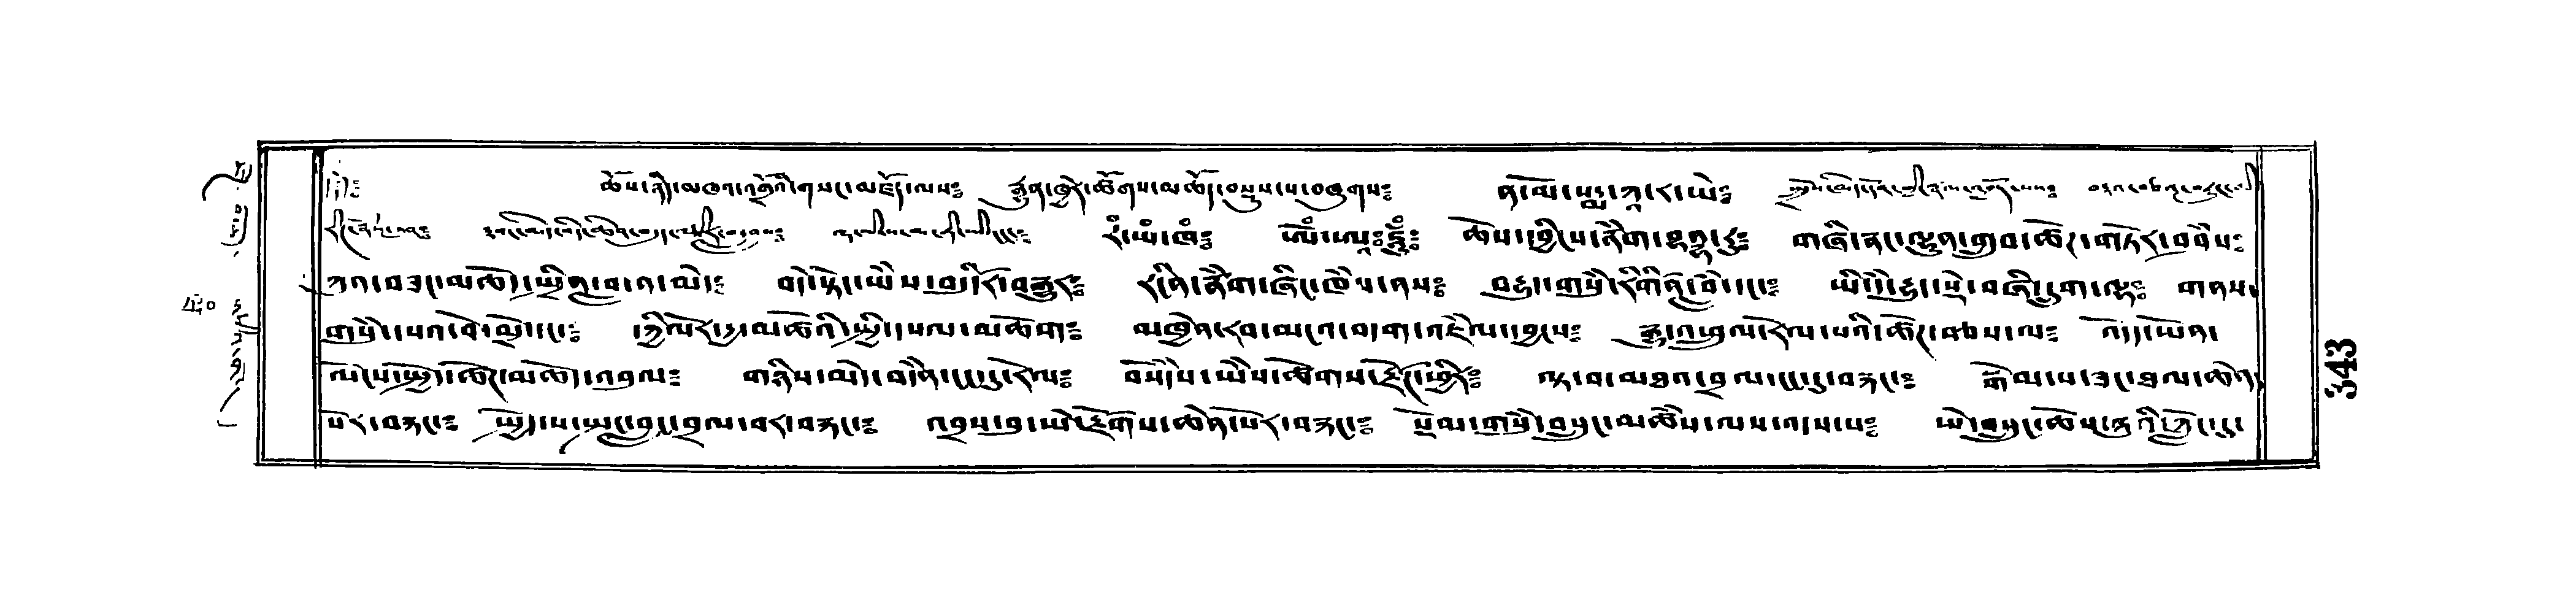ཆོས་ཉིད་མཁའ་འགྲོའི་གསང་མཛོད་ལས༔ རྒྱུན་ཁྱེར་ཚོགས་མཆོད་བསྡུས་པ་བཞུགས༔ ན་མོ་པདྨ་ཀཱ་ར་ཡེ༔ སྤྲོས་མེད་དོན་གྱི་རྣལ་འབྱོར་པས༔ བཟའ་བཅའ་བཏུང་བའི་
རིགས་རྣམས་ཀུན༔ ཟག་མེད་བདེ་ཆེན་བདུད་རྩིར་བརླབས༔ ལྷ་ཡི་ས་མ་ཏི་ཡི་ངང༔ རཾ་ཡཾ་ཁཾ༔ ཨོཾ་ཨཱཿཧཱུྃ༔ ཆོས་དབྱིངས་རྣམ་དག་བྷནྡྷ་རུ༔ གཞི་སྣང་ལྷུན་གྲུབ་ཚོགས་གཏོར་བཤམས༔ 
ཀུན་བཟང་མཆོད་སྤྲིན་བླ་ན་མེད༔ བདེ་སྟོང་ཡེ་ཤེས་བདུད་རྩིར་བསྒྱུར༔ རང་བཞིན་རྣམ་དག་ཞིང་ཁམས་ནས༔ བརྒྱུད་གསུམ་རིག་འཛིན་བླ་མ་དང༔ ཡི་དམ་རྒྱུད་སྡེ་བཞི་དྲུག་ལྷ༔ གནས་
གསུམ་དཔའ་བོ་མཁའ་འགྲོ་དང༔ དཀྱིལ་འཁོར་རྒྱ་མཚོའི་སྤྱི་དཔལ་མཆོག༔ མཁྱེན་རབ་མངའ་བདག་འཇམ་དཔལ་དབྱངས༔ སྒྱུ་འཕྲུལ་རོལ་པའི་ཚོགས་བཅས་ལ༔ འདོད་ཡོན་
ལོངས་སྤྱོད་ཚོགས་མཆོད་འབུལ༔ གཉིས་མེད་བདེ་ཆེན་ངང་དུ་རོལ༔ བསོད་ནམས་ཡེ་ཤེས་ཚོགས་རྫོགས་ཕྱིར༔ ལྟ་བ་མཐའ་བྲལ་ངང་དུ་བསྐང༔ སྒོམ་པ་ཟང་ཐལ་ཆེན་
པོར་བསྐང༔ སྤྱོད་པ་སྤང་བླང་བྲལ་བར་བསྐང༔ འབྲས་བུ་ཡེ་རྫོགས་ཆེན་པོར་བསྐང༔ སྡོམ་གསུམ་བསྲུང་མཚམས་ལས་འདས་པ༔ ཡེ་བསྲུང་ཆོས་སྐུའི་ཀློང་དུ་